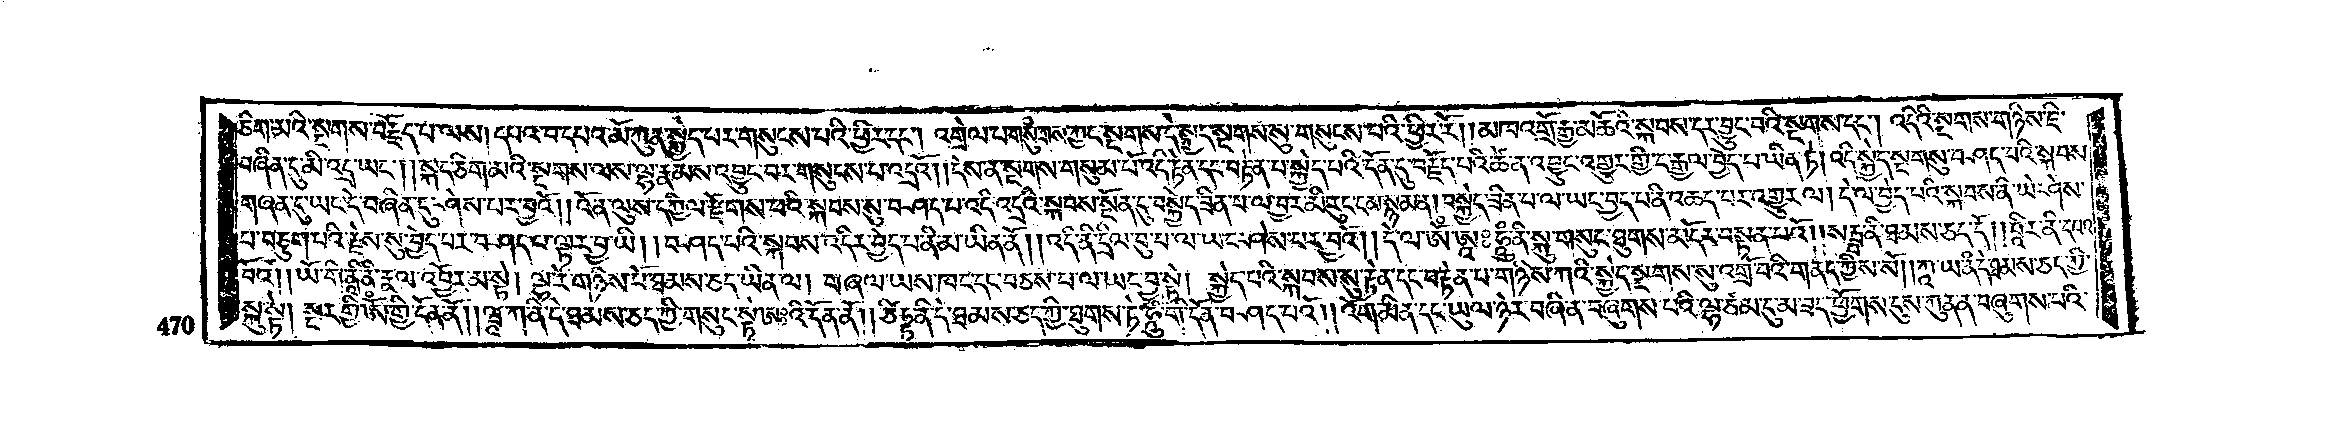ཅིག་མའི་སྔགས་བརྗོད་པ་ལས། དཔའ་བོ་དཔའ་མོ་ཀུན་སྐྱེད་པར་གསུངས་པའི་ཕྱིར་དང་། འགྲེལ་པ་གསུམ་གེས་ཀྱང་སྔགས་དེ་སྐྱེད་སྔགས་སུ་གསུངས་པའི་ཕྱིར་རོ། །མཁའ་འགྲོ་རྒྱ་མཚོའི་སྐབས་དར་བྱུང་བའི་སྔགས་དང་། འདིའི་སྔགས་གཉིས་ཇི་
བཞིན་དུ་མི་འདྲ་ཡང་། །སྐད་ཅིག་མའི་སྔགས་ལས་ལྷ་རྣམས་འབྱུང་བར་གསུངས་པ་འདྲའོ། །དེས་ན་སྔགས་གསུམ་པོ་འདི་རྟེན་དང་བརྟེན་པ་སྐྱེད་པའི་དོན་དུ་བརྗོད་པའི་ཚེ་ན་འབྱུང་འགྱུར་གྱི་ང་རྒྱལ་བྱེད་པ་ཡིན་ཏེ། འདི་སྐྱེད་སྔགས་སུ་བཤད་པའི་སྐབས་
གཞན་དུ་ཡང་དེ་བཞིན་དུ་ཤེས་པར་བྱའོ། །འོ་ན་ལུས་དཀྱིལ་རྫོགས་པའི་སྐབས་སུ་བཤད་པ་འདི་འདྲའི་སྐབས་སྔོན་དུ་བསྐྱེད་ཟིན་པ་ལ་བྱར་མི་རུང་ངམ་སྙམ་ན། བསྐྱེད་ཟིན་པ་ལ་ཡང་བྱད་པ་ནི་འཆད་པར་འགྱུར་ལ། དེ་ལ་བྱེད་པའི་སྐབས་ནི་ཡེ་ཤེས་
པ་བཅུག་པའི་རྗེས་སུ་བྱེད་པར་བཤད་པ་ལྟར་བྱ་ཡི། །བཤད་པའི་སྐབས་འདིར་བྱེད་པ་ནི་མ་ཡིན་ནོ། །འདི་ནི་དྲིལ་བུ་པ་ལ་ཡང་ཤེས་པར་བྱའོ། །དེ་ལ་ཨོཾ་ཨཱཿ ཧཱུཾ་ནི་སྐུ་གསུང་ཐུགས་མདོར་བསྟན་པའོ། །སརྦ་བ་ནི་ཐམས་ཅད་དོ། །བཱི་ར་ནི་དཔའ་
བོའོ། །ཡོ་གི་ནཱི་ནཱི་རྣལ་འབྱོར་མ་སྟེ། ལྷ་རོ་གཉིས་པོ་ཐམས་ཅད་ཡིན་ལ། གཞལ་ཡས་ཁང་དང་བཅས་པ་ལ་ཡང་བྱ་སྟེ། སྐྱེད་པའི་སྐབས་སུ་རྟེན་དང་བརྟེན་པ་གཉིས་ཀའི་སྐྱེད་སྔགས་སུ་འགྲོ་བའི་གནད་ཀྱིས་སོ། །ཀཱ་ཡ་ནཾ་དེ་ཐམས་ཅད་ཀྱི་
སྐུ་སྟེ། སྔར་གྱི་ཨོཾ་གྱི་དོན་ནོ། །ཝཱ་ཀ་ནི་དེ་ཐམས་ཅད་ཀྱི་གསུང་སྟེ་ཨཱཿའི་དོན་ནོ། །ཙིཏྟ་ནི་དེ་ཐམས་ཅད་ཀྱི་ཐུགས་ཏེ་ཧཱུཾ་གི་དོན་བཤད་པའོ། །འོག་མིན་དང་ཡུལ་ཉེར་བཞི་ན་བཞུགས་པའི་ལྷ་ཙམ་དུ་མ་ཟད་ཕྱོགས་དུས་ཀུན་ན་བཞུགས་པའི་